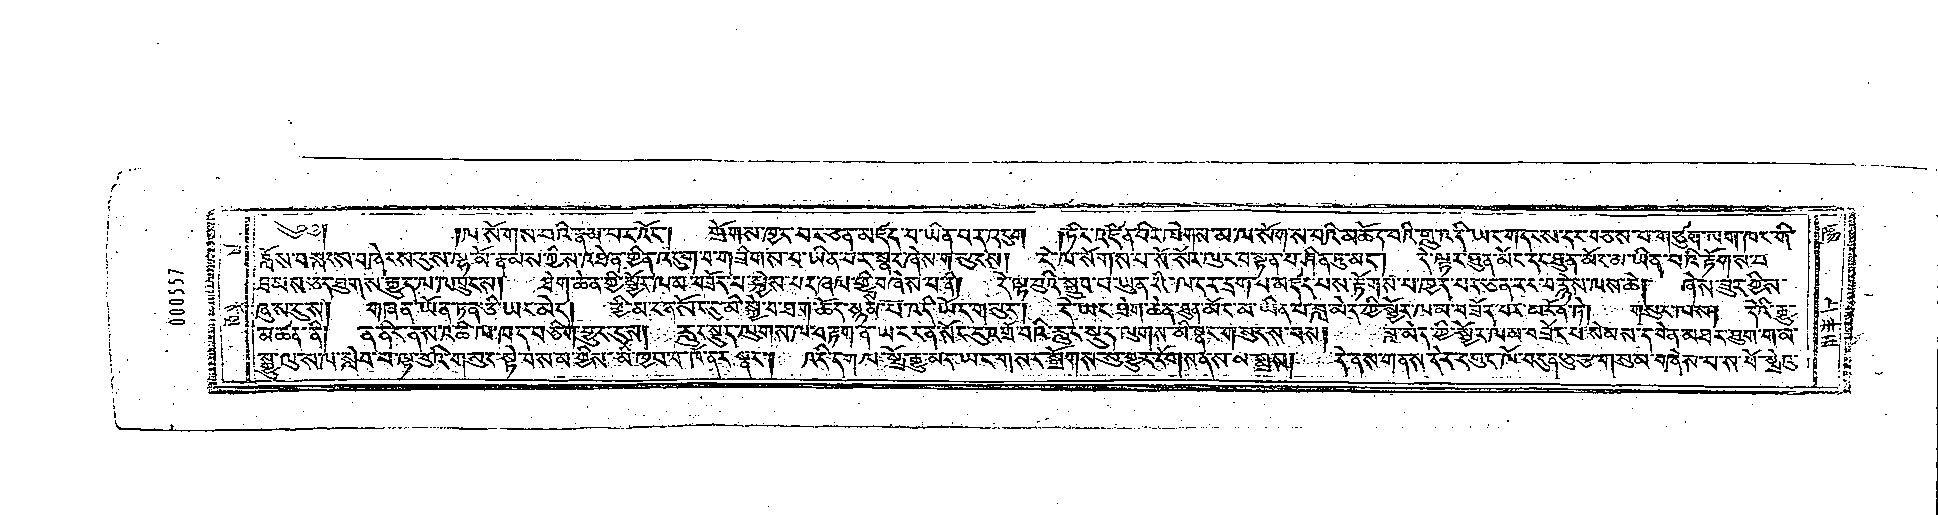༄༅། །ལ་སོགས་བའི་རྣམ་པར་འོང་། གྲོགས་ཁྱད་པར་ཅན་མཛད་པ་ཡིན་པར་འདུག །ཏིང་འཛིན་པིར་ལེགས་མ་ལ་སོགས་པའི་མཆོད་པའི་གླུ་འདི་ཡང་གདངས་དང་བཅས་པ་གཙུག་ལག་ཁང་གི་
བློས་བསླངས་བཞེངས་དུས་ལྷ་མོ་རྣམས་ཀྱིས་འཐེན་གྱིན་འདུག་པ་གཟིགས་པ་ཡིན་བར་སྣང་ཞེས་གསུངས། དེ་ལ་སོགས་པ་སོ་སོར་ལུང་བསྟན་པ་ཤིན་ཏུ་མང་། དེ་ལྟར་ཐུན་མོང་དང་ཐུན་མོང་མ་ཡིན་པའི་རྟོགས་པ་
ཐམས་ཅད་ཐུགས་རྒྱུད་ལ་འཁྲུངས། ཐེག་ཆེན་གྱི་སྦྱོར་ལམ་བཟོད་པ་སྐྱེས་པར་ཞལ་གྱིས་བཞེས་པ་ནི། དེ་ལྟ་བུའི་སྒྲུབ་པ་ཡུན་རིང་ལ་དར་དྲག་པ་མཛད་པས་རྟོགས་པ་ཁྱད་པར་ཅན་རང་བརྙེས་ལས་ཆེ། ཞེས་ཟུར་གྱིས་
ཞུས་དུས། གཞན་ཡོན་ཏན་ཅི་ཡང་མེད། ཕྱི་མ་ངན་སོང་དུ་མི་༄༅། །ཁོ་བོས་སྨྲས་པའི་རྗེས་སུ་ཞུགས་ཤིག་དང་། །ཚེ་རབ་
ཐུན་མོང་མ་ཡིན་པ་བླ་མེད་ཀྱི་སྦྱོར་ལམ་བཟོད་པར་མངོན་ཏེ། གསུང་ལས། དེའི་རྒྱུ་
མཚན་ནི། ན་ནིང་ནས་འཆི་ལ་ཁད་བ་ཅིག་བྱུང་དུས། རླུང་སྡུད་ལུགས་ལ་བརྟག་ན་ཡང་ངན་སོང་དུ་འགྲོ་བའི་རླུང་སྡུད་ལུགས་མི་སྣང་གསུངས་པས། བླ་མེད་ཀྱི་སྦྱོར་ལམ་བཟོད་པ་སེམས་དབེན་མཐར་ཐུག་གམ་
སྒྱུ་ལུས་ལ་སླེབ་པ་ལྟ་བུའི་གསུང་སྟེ་བསམ་གྱིས་མི་ཁྱབ་པ་ཁོ་ནར་སྣང་། འདི་དག་ལ་སྤྲོ་རྒྱུ་མང་ཡང་གསང་སྒྲོགས་སུ་གྱུར་དོགས་ནས་མ་སྨྲས། དེ་ནས་གནས་དེར་དགུང་ལོ་བདུན་ཅུ་རྩ་གསུམ་བཞེས་པ་ས་ཕོ་སྤྲེའུ་